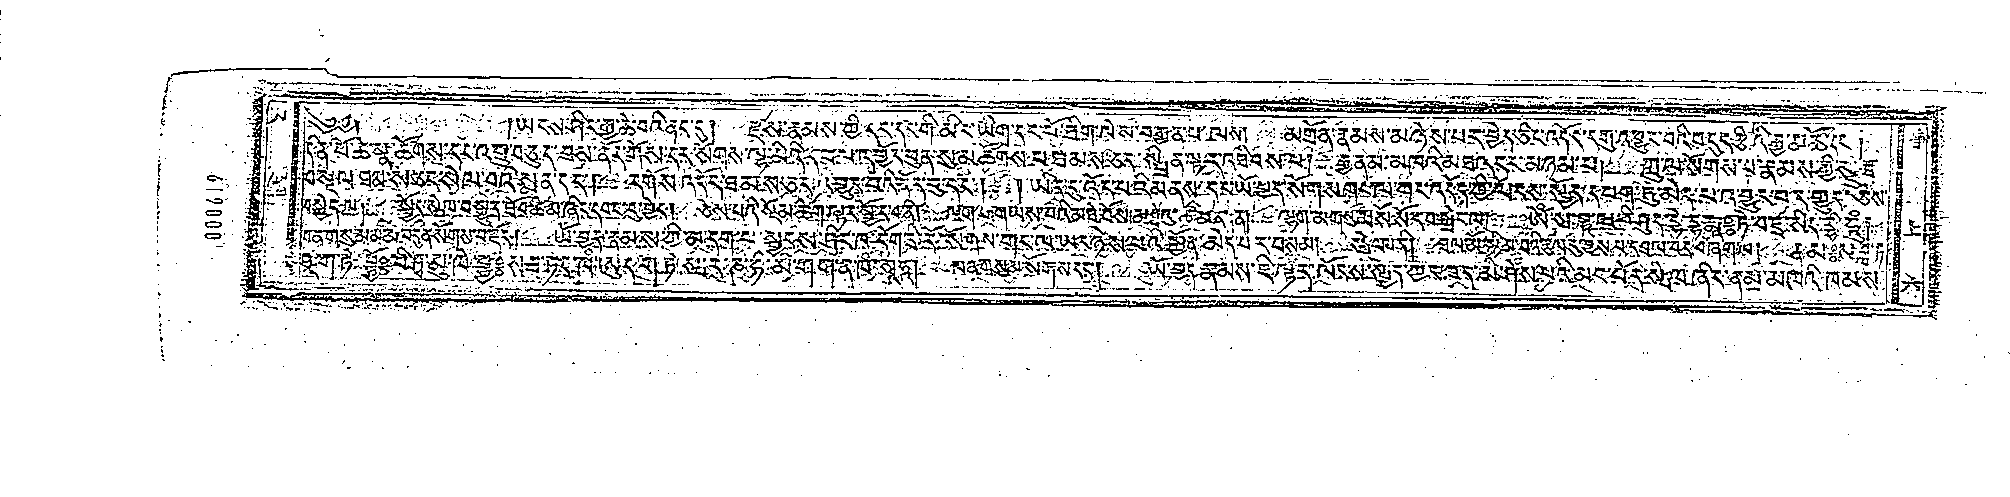༄༅། །ཡངས་ཤིང་རྒྱ་ཆེ་བའི་ནང་དུ། རྫས་རྣམས་ཀྱི་རང་རང་གི་མིང་ཡིག་དང་པོ་ཐིག་ལེས་བརྒྱན་པ་ལས། མགྲོན་རྣམས་མཉེས་པར་བྱེད་ཅིང་འདོད་དགུ་འབྱུང་བའི་བདུད་རྩིའི་རྒྱ་མཚོ་དང་།
དིན་པོ་ཆེ་སྣ་ཚོགས་དང་འབྲུ་བཅུད་བྲས་ནོར་གོས་དར་སོགས་ལྷ་མིའི་དབལ་འབྱོར་ཕུན་སུམ་ཚོགས་པ་ཐམས་ཅད་སྤྲིན་ལྟར་འཐིབས་པ། རྒྱ་ནམ་མཁའི་མཐའ་དང་མཉམ་པ། ཀླུ་ལ་སོགས་པ་རྣམས་ཀྱི་སྡུགས་
བསྔལ་ཐམས་ཅད་སེལ་བའི་སྨན་དང་། དགོས་འདོད་ཐམས་ཅད་འབྱུང་བའི་ནོར་བུ་དང་། །ཡིད་དུ་འོད་པའི་མནས་དང་ཡོ་བྱད་སོགས་གང་ལ་གང་འདོད་ཀྱི་ལོངས་སྤྱོད་དཔག་ཏུ་མེད་པ་འབྱུང་བར་བྱུར་ཅེས་
བསྐྱེད་ལ། སྦྱོང་སྤེལ་བསྒྱུར་ཐོབ་ཚིམ་ཞིང་དབང་དུ་བྱེད། ཅེས་པའི་སྡོམ་ཚིག་ལྟར་སྦྱོད་བ་ནི། ལག་པ་གཡས་པའི་མཐེ་བོས་མཐེའུ་ཆུད་མིན། ལྷག་མ་གསུམ་སོ་སོར་བསྒྲེང་ལ། ཨོཾ་སྭཱ་བྷཱ་ཝ་བི་ཤུད་དྷེ་དྷརྨཱཿ་ཏེ་བཛྲ་སིདྡྷི་ཧཱུཾ།
ལན་གསུམ་མམ་བདུན་སོགས་བརྗོད། ཡོ་བྱད་རྣམས་ཀྱི་མ་དག་པ་སྦྱངས་ཤིང་ཁ་དོག་དྲི་རོ་སོགས་གང་ལ་ཡང་ཉེས་པའི་སྐྱོན་མེད་པར་བསམ། སྤེལ་བ་ནི། ཐལ་མོ་སྙིམ་བའི་ཚུལ་དུ་བྱས་པ་དབྲལ་བར་བཞག་ལ། ན་མཿ་སརྦ་ཏ་
ཐཱ་ག་ཏེ་བྷྱོཿ་བི་ཤྭ་མུ་ཁེ་ཕྱཿ་སརྦ་ཏང་ཁཾ་ཨུད་གཏེ་སྤ་ར་ཎ་ཧི་མི་གག་ན་ཁཾ་སྭཱཧཱ། ལན་གསུམ་སོགས་དང་། ཡོ་བྱད་རྣམས་ཇི་ལྟར་ལོངས་སྤྱད་ཀྱང་ཟད་མི་ཤེས་པའི་མང་པོར་སྤེལ་ཞིང་ནམ་མཁའི་ཁམས་